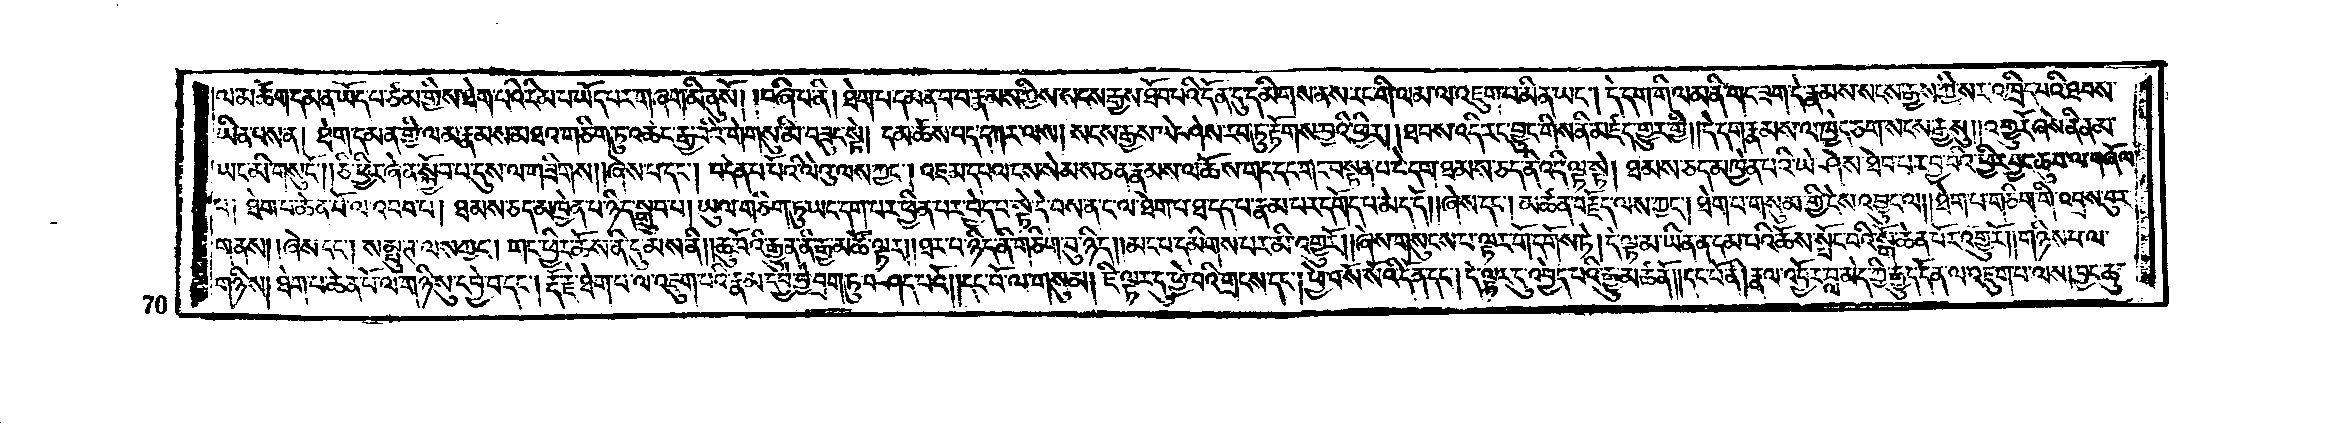ལ་མཆོག་དམན་ཡོད་པ་ཙམ་གྱིས་ཐེག་པའི་རིམ་པ་ཡོད་པར་གཞག་མི་ནུས་སོ། །བཞི་པ་ནི། ཐེག་པ་དམན་པ་བ་རྣམས་ཀྱིས་སངས་རྒྱས་ཐོབ་པའི་དོན་དུ་དམིགས་ནས་རང་གི་ལམ་ལ་འཇུག་པ་མིན་ཡང་། དེ་དག་གི་ལམ་ནི་གང་ཟག་དེ་རྣམས་སངས་རྒྱས་ཀྱི་སར་འཁྲིད་པའི་ཐབས་
ཡིན་པས་ན། ཐེག་དམན་གྱི་ལམ་རྣམས་མཐའ་གཅིག་ཏུ་འཚང་རྒྱ་བའི་གེགས་སུ་མི་བཟུང་སྟེ། དམ་ཆོས་པད་དཀར་ལས། སངས་རྒྱས་ཡེ་ཤེས་རབ་ཏུ་རྟོགས་བྱའི་ཕྱིར། །ཐབས་འདི་རང་བྱུང་གིས་ནི་མཛད་གྱུར་གྱི། །དེ་དག་རྣམས་ལ་ཁྱེད་ཅག་སངས་རྒྱས་སུ། །འགྱུར་རོ་ཞེས་ནི་ནམ་
ཡང་མི་གསུང་ངོ། །ཅི་ཕྱིར་ཞེ་ན་སྐྱོབ་པ་དུས་ལ་གཟིགས། །ཞེས་པ་དང་། བདེན་པ་པོའི་ལེའུ་ལས་ཀྱང་། འཇམ་དཔལ་ངས་སེམས་ཅན་རྣམས་ལ་ཆོས་གང་དང་གང་བསྟན་པ་དེ་དག་ཐམས་ཅད་ནི་འདི་ལྟ་སྟེ། ཐམས་ཅད་མཁྱེན་པའི་ཡེ་ཤེས་ཐོབ་པར་བྱ་བའི་ཕྱིར་བྱང་ཆུབ་ལ་གཞོལ་
པ། ཐེག་པ་ཆེན་པོ་ལ་འབབ་པ། ཐམས་ཅད་མཁྱེན་པ་ཉིད་སྒྲུབ་པ། ཡུལ་གཅིག་ཏུ་ཡང་དག་པར་ཕྱིན་པར་བྱེད་པ་སྟེ་དེ་བས་ན་ང་ལ་ཐེག་པ་ཐ་དད་པ་རྣམ་པར་དགོད་པ་མེད་དོ། །ཞེས་དང་། མཚན་བརྗོད་ལས་ཀྱང་། ཐེག་པ་གསུམ་གྱི་ངེས་འབྱུང་ལ། །ཐེག་པ་གཅིག་གི་འབྲས་བུར་
གནས། །ཞེས་དང་། སམྦུ་ཊ་ལས་ཀྱང་། གང་ཕྱིར་ཆོས་ནི་དུ་མས་ནི། །ཆུ་བོའི་རྒྱུན་ནི་རྒྱ་མཚོ་ལྟར། །ཐར་པ་ཉིད་ནི་གཅིག་བུ་ཉིད། །མང་པོ་དམིགས་པར་མི་འགྱུར་རོ། །ཞེས་གསུངས་པ་ལྟར་གོ་དགོས་ཏེ། དེ་ལྟ་མ་ཡིན་ན་དམ་པའི་ཆོས་སྤོང་བའི་སྒོ་ཆེན་པོར་འགྱུར་རོ། །གཉིས་པ་ལ་
གཉིས། ཐེག་པ་ཆེན་པོ་ལ་གཉིས་སུ་དབྱེ་བ་དང་། རྡོ་རྗེ་ཐེག་པ་ལ་འཇུག་པའི་རྣམ་དབྱེ་བྱེ་བྲག་ཏུ་བཤད་པའོ། །དང་པོ་ལ་གསུམ། ཇི་ལྟར་དུ་ཕྱེ་བའི་གྲངས་དང་། ཕྱེ་བ་སོ་སོའི་དོན་དང་། དེ་ལྟར་དུ་འབྱེད་པའི་རྒྱུ་མཚན་ནོ། །དང་པོ་ནི། རྣལ་འབྱོར་བླ་མེད་ཀྱི་རྒྱུད་དོན་ལ་འཇུག་པ་ལས། བྱང་ཆུབ་